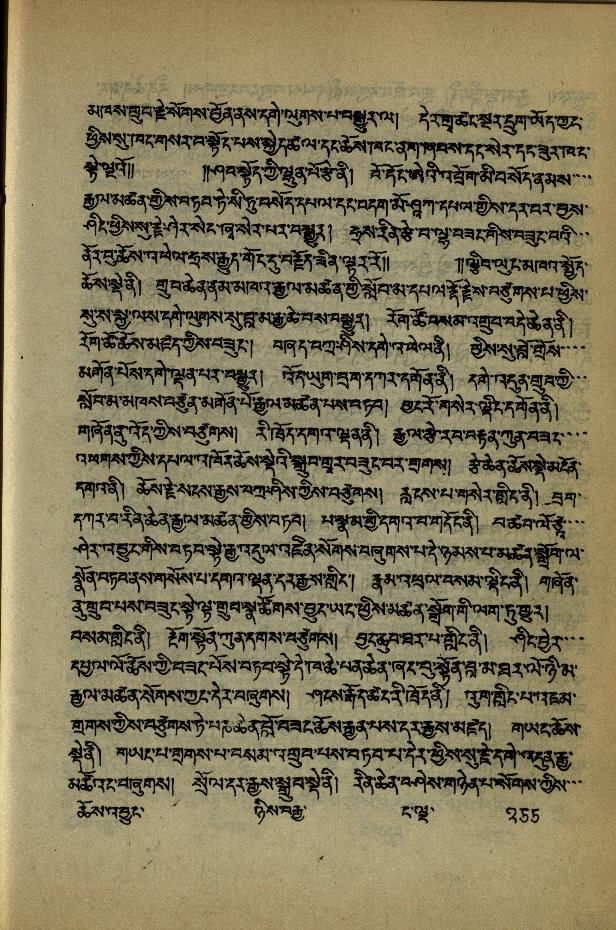མགྲུབ་གྲུབ་རྗེ་སོགས་བྱོན་ནས་དགེ་ལུགས་པ་བསྒྱུར་བ། དེར་གྲྭ་ཚང་སྔར་དྲུག་ཡོད་ཀྱང་
ཕྱིས་སུ་ཁང་གསར་བ་སྟོང་པས་སྐྱེད་ཚལ་དང་ཆོས་ཁག་ནག་ཞབས་དང་སེར་དང་ཟུར་ཁང་
སྟེ་ལྔའོ།། །།ཤབ་སྟོད་ཀྱི་ལྷུན་པོ་རྩེ་ནི། བོ་དོང་ཨེའི་འབྲོག་མི་བསོད་ནམས་
རྒྱལ་མཚན་གྱིས་བཏབ་ཏེ་སི་ཏུ་བསོད་དཔལ་དང་བདག་མོ་ཤཱཀ་དཔལ་གྱིས་དར་བར་བྱས་
ཤིང་ཕྱིས་སུ་རྗེ་ཤེར་སེང་ཞྭ་སེར་པར་བསྒྱུར། ཧྲས་རིན་རྩེ་བ་ལྷ་བཟང་གིས་བཟུང་བའི་
ནོར་བུ་ཆོས་འཕེལ་ཧྲས་རྒྱུད་གོང་དུ་བརྗོད་ཟིན་ལྟར་རོ།། །།ལྕིབ་ལུང་མཁའ་སྤྱོད་
ཆོས་སྡེ་ནི། གྲུབ་ཆེན་ནམ་མཁའ་རྒྱལ་མཚན་གྱི་སློབ་མ་དཔལ་རྡོ་རྗེས་བཙུགས་པ་ཕྱིས་
སུ་ས་སྐྱ་ལས་དགེ་ལུགས་སུ་བླ་མ་རྒྱ་ཆེ་བས་བསྒྱུར། རོག་ཚོ་བསམ་འགྲུབ་བདེ་ཆེན་ནི།
རོག་ཚོ་ཆོས་མཛད་ཀྱིས་བཟུང་། བཞད་བཀྲ་ཤིས་དགེ་འཕེལ་ནི། ཕྱིས་སུ་བློ་གྲོས་
མགོན་པོས་དགེ་ལྡན་པར་བསྒྱུར། འོད་ཡུག་བྲག་དཀར་དགོན་ནི། དགེ་འདུན་གྲུབ་ཀྱི་
སློབ་མ་མཁས་བཙུན་མགོན་པོ་རྒྱལ་མཚན་པས་བཏབ། གྱང་རོ་གསེར་ལྡིང་དགོན་ནི།
གཞོན་ནུ་འོད་ཀྱིས་བཙུགས། རི་ཁྲོད་དགའ་ལྡན་ནི། རྒྱལ་རྩེ་རབ་བརྟན་ཀུན་བཟང་
འཕགས་ཀྱིས་དཔལ་འཁོར་ཆོས་སྡེའི་སྒྲུབ་གྲྭར་བཟུང་བར་གྲགས། རྩེ་ཆེན་ཆོས་སྡེ་མངོན་
དགའ་ནི། ཆོས་རྗེ་སངས་རྒྱས་བཀྲ་ཤིས་ཀྱིས་བཙུགས། རླངས་པ་གསེར་གླིང་ནི། བྲག་
དཀར་བ་རིན་ཆེན་རྒྱལ་མཚན་གྱིས་བཏབ། པ་སྣམ་གྱི་དགའ་བ་གདོང་ནི། བ་ཚབ་ལོ་ཙཱ་
ཤེར་འབྱུང་གིས་བཏབ་སྟེ་རྒྱ་འདུལ་འཛིན་སོགས་བཞུགས་པ་དེ་ཉམས་པ་མཚན་སྒྲོག་ལ་
སྣོན་བཏབ་ནས་གསོལ་བ་དགའ་ལྡན་དར་རྒྱས་གླིང་། རྣམ་འཕྲལ་བསམ་ལྡིང་ནི། །གཞོན་
ནུ་གྲུབ་པས་བཟུང་སྟེ་ལྟ་གྲུབ་སྣ་ཚོགས་བྱུང་ཡང་ཕྱིས་མཚན་སྒྲོག་གི་ལག་ཏུ་གྱུར།
བསམ་གླིང་ནི། རྔོག་སྟོན་ཀུན་དགས་བཙུགས། བྱང་ཆུབ་ཐར་པ་གླིང་ནི། ཤིང་བྱེར་
དཔྱལ་ལོ་ཆོས་ཀྱི་བཟང་པོས་བཏབ་སྟེ་དེ་ཁ་ཆེ་པཎ་ཆེན་ཞང་བུ་སྟོན་བླ་མ་ཐར་ལོ་ཉི་མ་
རྒྱལ་མཚན་སོགས་ཀྱང་དེར་བཞུགས། ཤངས་རྒོད་ཚང་རི་ཁྲོད་ནི། འུག་གླིང་པ་འཇམ་
གྲགས་ཀྱིས་བཙུགས་ཏེ་པཎ་ཆེན་བློ་བཟང་ཆོས་རྒྱན་པས་དར་རྒྱས་མཛད། གཡང་ཆོས་
སྡེ་ནི། གཡང་པ་གྲགས་པ་བསམ་འགྲུབ་པས་བཏབ་པ་དེར་ཕྱིས་སུ་རྗེ་དགེ་འདུན་རྒྱ་
མཚོའང་བཞུགས། སྲོལ་དར་རྒྱས་གླིང་སྒྲུབ་སྡེ་ནི། རིན་ཆེན་བཤེས་གཉེན་པ་སོགས་ཀྱིས་